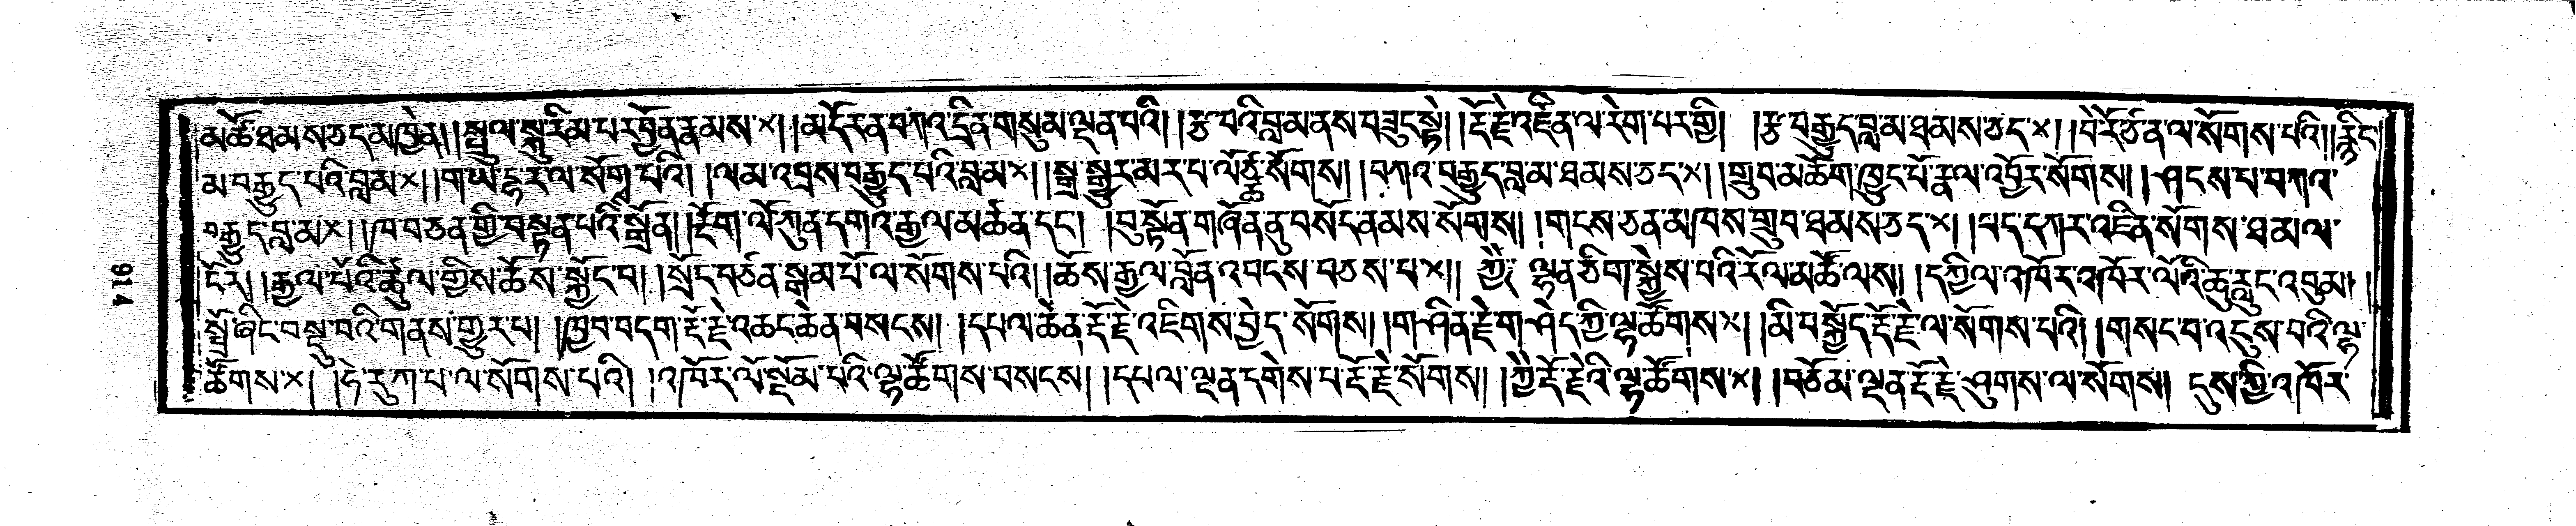མཚོ་ཐམས་ཅད་མཁྱེན། །སྤྲུལ་སྐུ་རིམ་པར་བྱོན་རྣམས་྾། །མདོར་ན་བཀའ་དྲིན་གསུམ་ལྡན་པའི། །རྩ་བའི་བླ་མ་ནས་བཟུང་སྟེ། །རྡོ་རྗེ་འཛིན་ལ་རེག་པར་གྱི། །རྩ་བརྒྱུད་བླ་མ་ཐམས་ཅད་྾། །བེ་རོ་ཙ་ན་ལ་སོགས་པའི། །རྙིང་
མ་བརྒྱུད་པའི་བླ་མ་྾། །ག་ཡ་བྷ་ར་ལ་སོགས་པའི། །ལམ་འབྲས་བརྒྱུད་པའི་བླ་མ་྾། །སྒྲ་སྒྱུར་མར་པ་ལོཙྪ་སོགས། །བཀའ་བརྒྱུད་བླ་མ་ཐམས་ཅད་྾། །གྲུབ་མཆོག་ཁྱུང་པོ་རྣལ་འབྱོར་སོགས། །ཤངས་པ་བཀའ་
བརྒྱུད་བླ་མ་྾། །ཁ་བ་ཅན་གྱི་བསྟན་པའི་སྒྲོན། །རྔོག་ལོ་ཀུན་དགའ་རྒྱལ་མཚན་དང་། །བུ་སྟོན་གཞོན་ནུ་བསོད་ནམས་སོགས། །གངས་ཅན་མཁས་གྲུབ་ཐམས་ཅད་྾། །པད་དཀར་འཛིན་སོགས་ཐ་མལ་
དོར། །རྒྱལ་པོའི་ཚུལ་གྱིས་ཆོས་སྐྱོང་བ། །སྲོང་བཙན་སྒམ་པོ་ལ་སོགས་པའི། །ཆོས་རྒྱལ་བློན་འབངས་བཅས་པ་྾།། ཀྱཻ༑ ལྷན་ཅིག་སྐྱེས་པའི་རོལ་མཚོ་ལས། །དཀྱིལ་འཁོར་འཁོར་ལོའི་ཆུ་རླུང་འབུམ། །
སྤྲོ་ཞིང་བསྡུ་བཞི་གནས་གྱུར་པ། །ཁྱབ་བདག་རྡོ་རྗེ་འཆང་ཆེན་བསངས། །དཔལ་ཆེན་རྡོ་རྗེ་འཇིགས་བྱེད་སོགས། །གཤིན་རྗེ་གཤེད་ཀྱི་ལྷ་ཚོགས་྾། །མི་བསྐྱོད་རྡོ་རྗེ་ལ་སོགས་པའི། །གསང་བ་འདུས་པའི་ལྷ་
ཚོགས་྾། །ཧེ་རུ་ཀ་པ་ལ་སོགས་པའི། །འཁོར་ལོ་སྡོམ་པའི་ལྷ་ཚོགས་བསངས། །དཔལ་ལྡན་དགེས་པ་རྡོ་རྗེ་སོགས། །ཀྱཻ་རྡོ་རྗེའི་ལྷ་ཚོགས་྾། །བཅོམ་ལྡན་རྡོ་རྗེ་ཤུགས་ལ་སོགས། །དུས་ཀྱི་འཁོར་